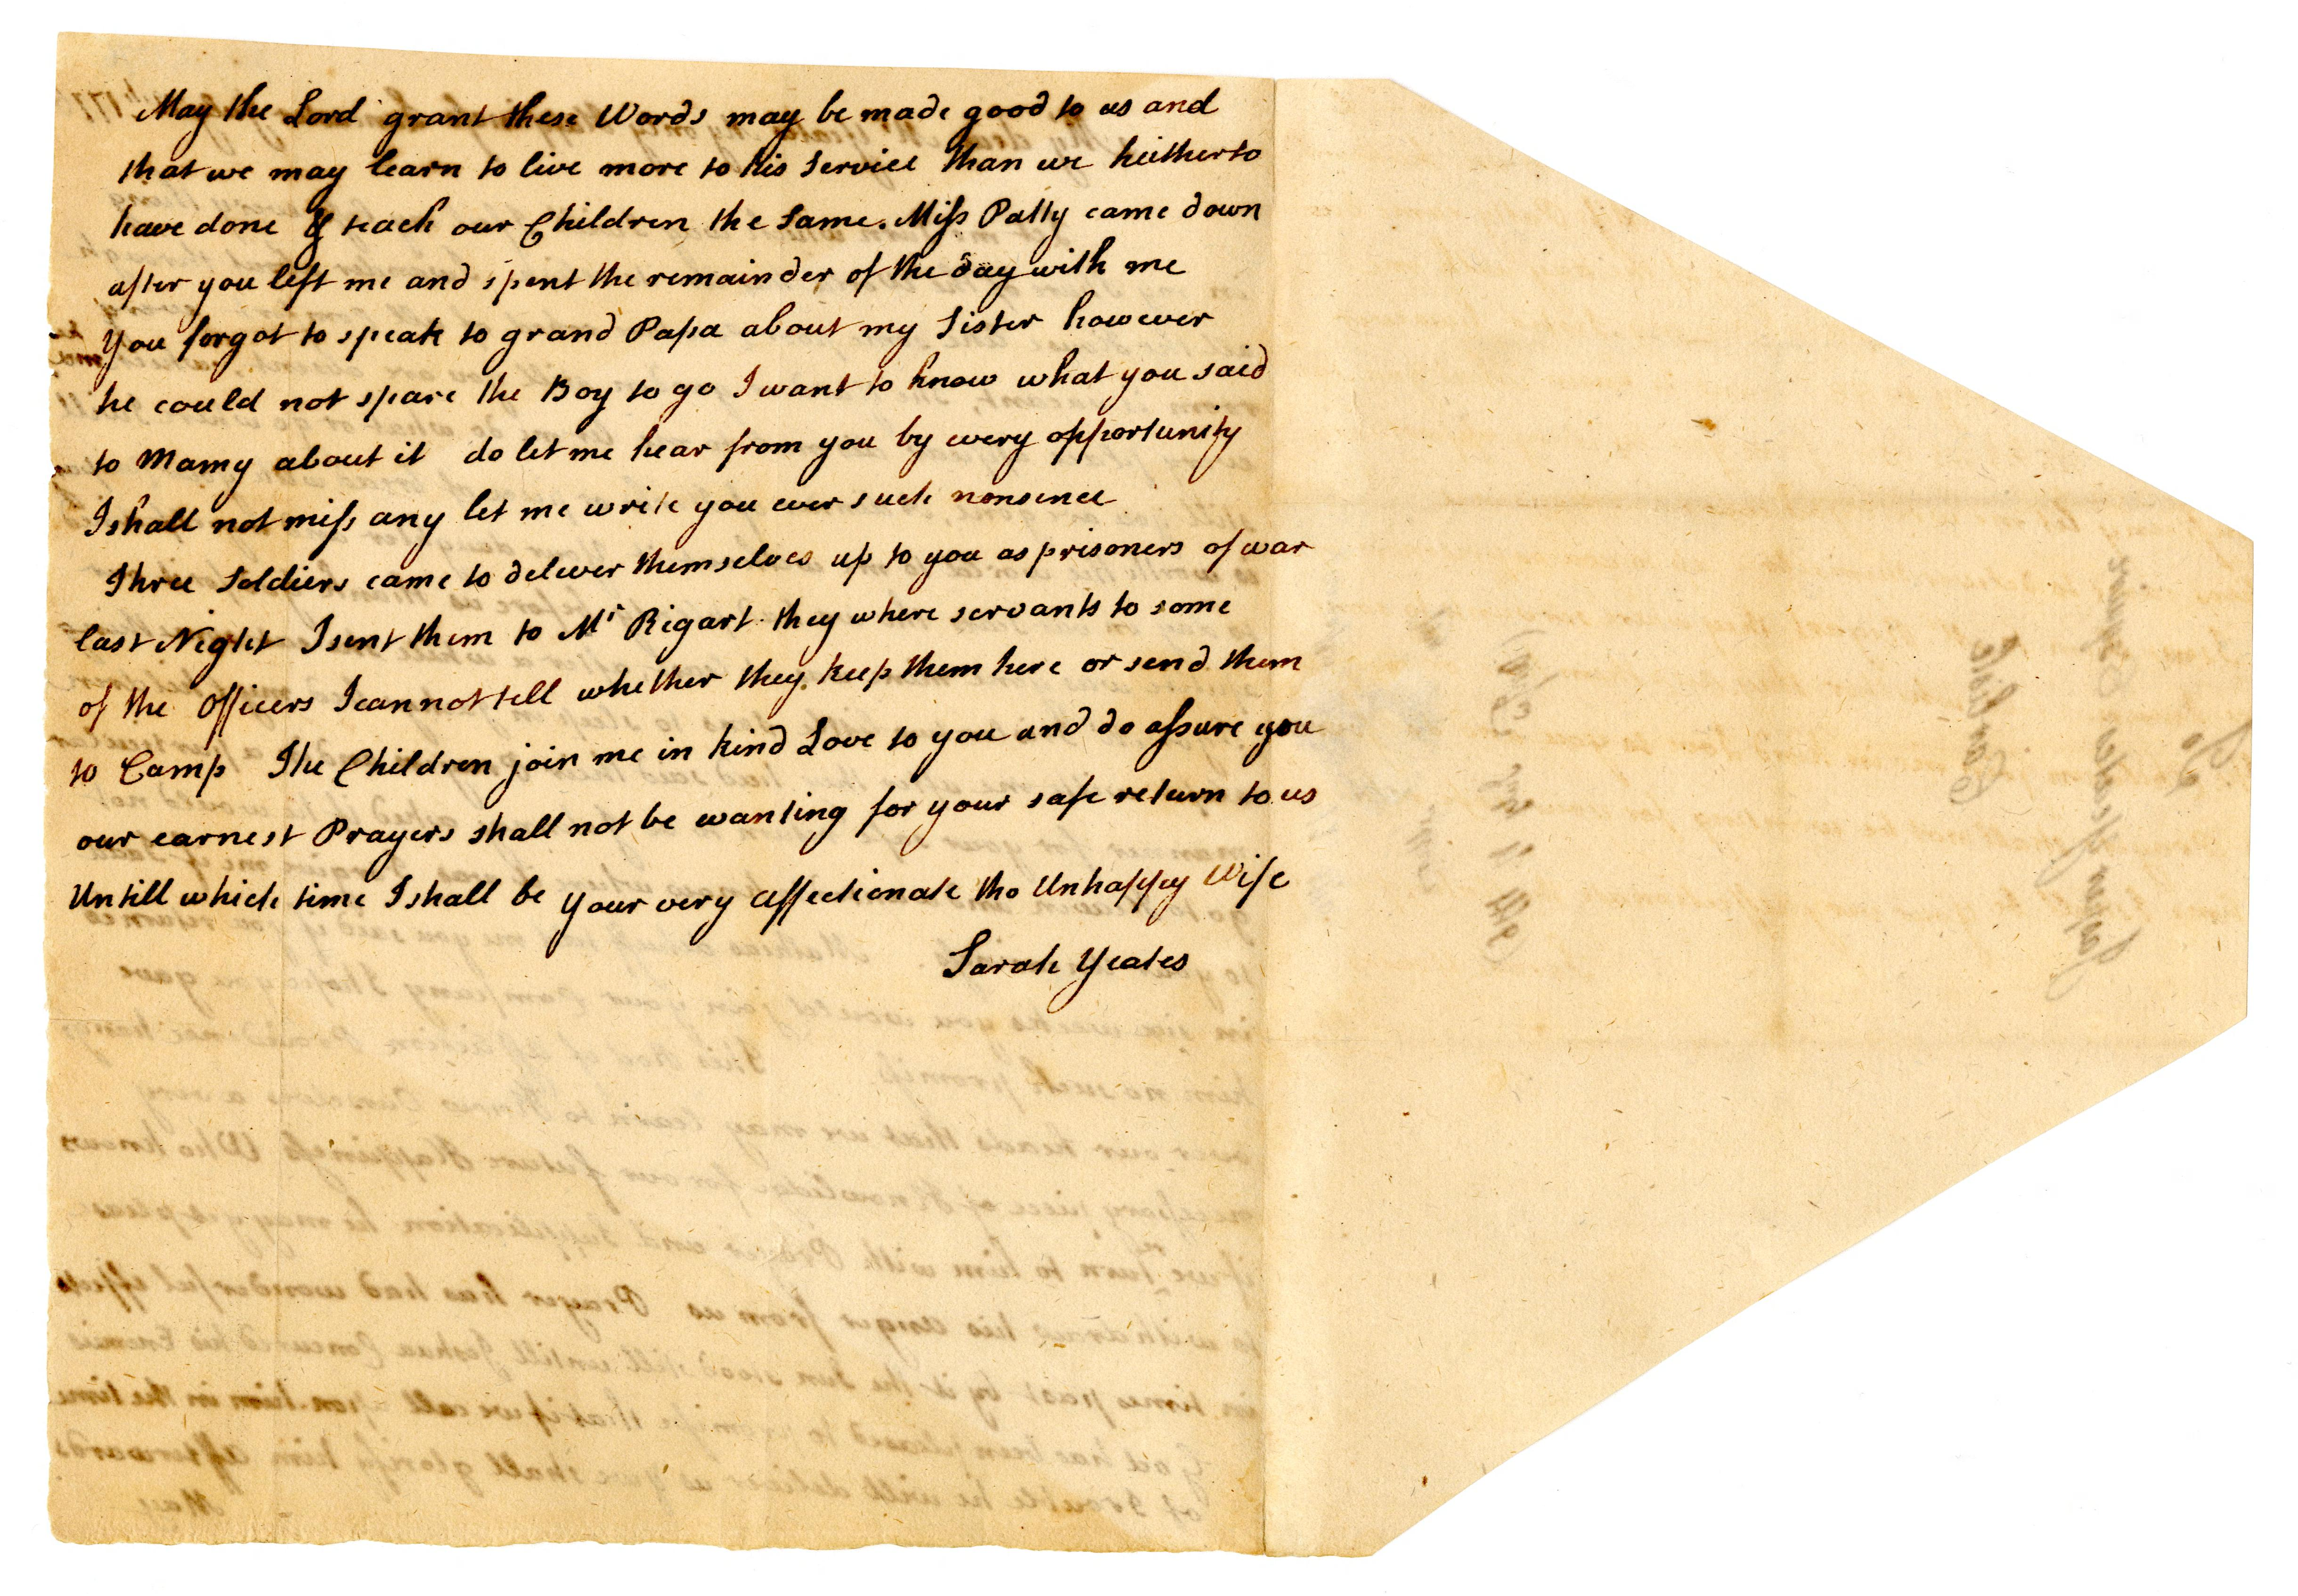May the Lord grant these Words may be made good to us and
that we may learn to live more to his Service Than we hitherto
have done & teach our Children the same. Miss Patty came down
after you left me and spent the remainder of the day with me
You forgot to speak to grand Papa about my Sister however
he could not spare the Boy to go I want to know what you said
to Mamy about it do let me hear from you by every opportunity
I shall not miss any let me write you ever such nonsence
Three soldiers came to deliver themselves up to you as prisoners of war
last Night I sent them to M^r Rigart they where servants to some
of the officers I cannot tell whether they keep them here or send them
to Camp The Children join me in kind Love to you and do assure you
our earnest Prayers shall not be wanting for your safe return to us
Untill which time I shall be your very affectionate tho Unhappy Wife
Sarah Yeates